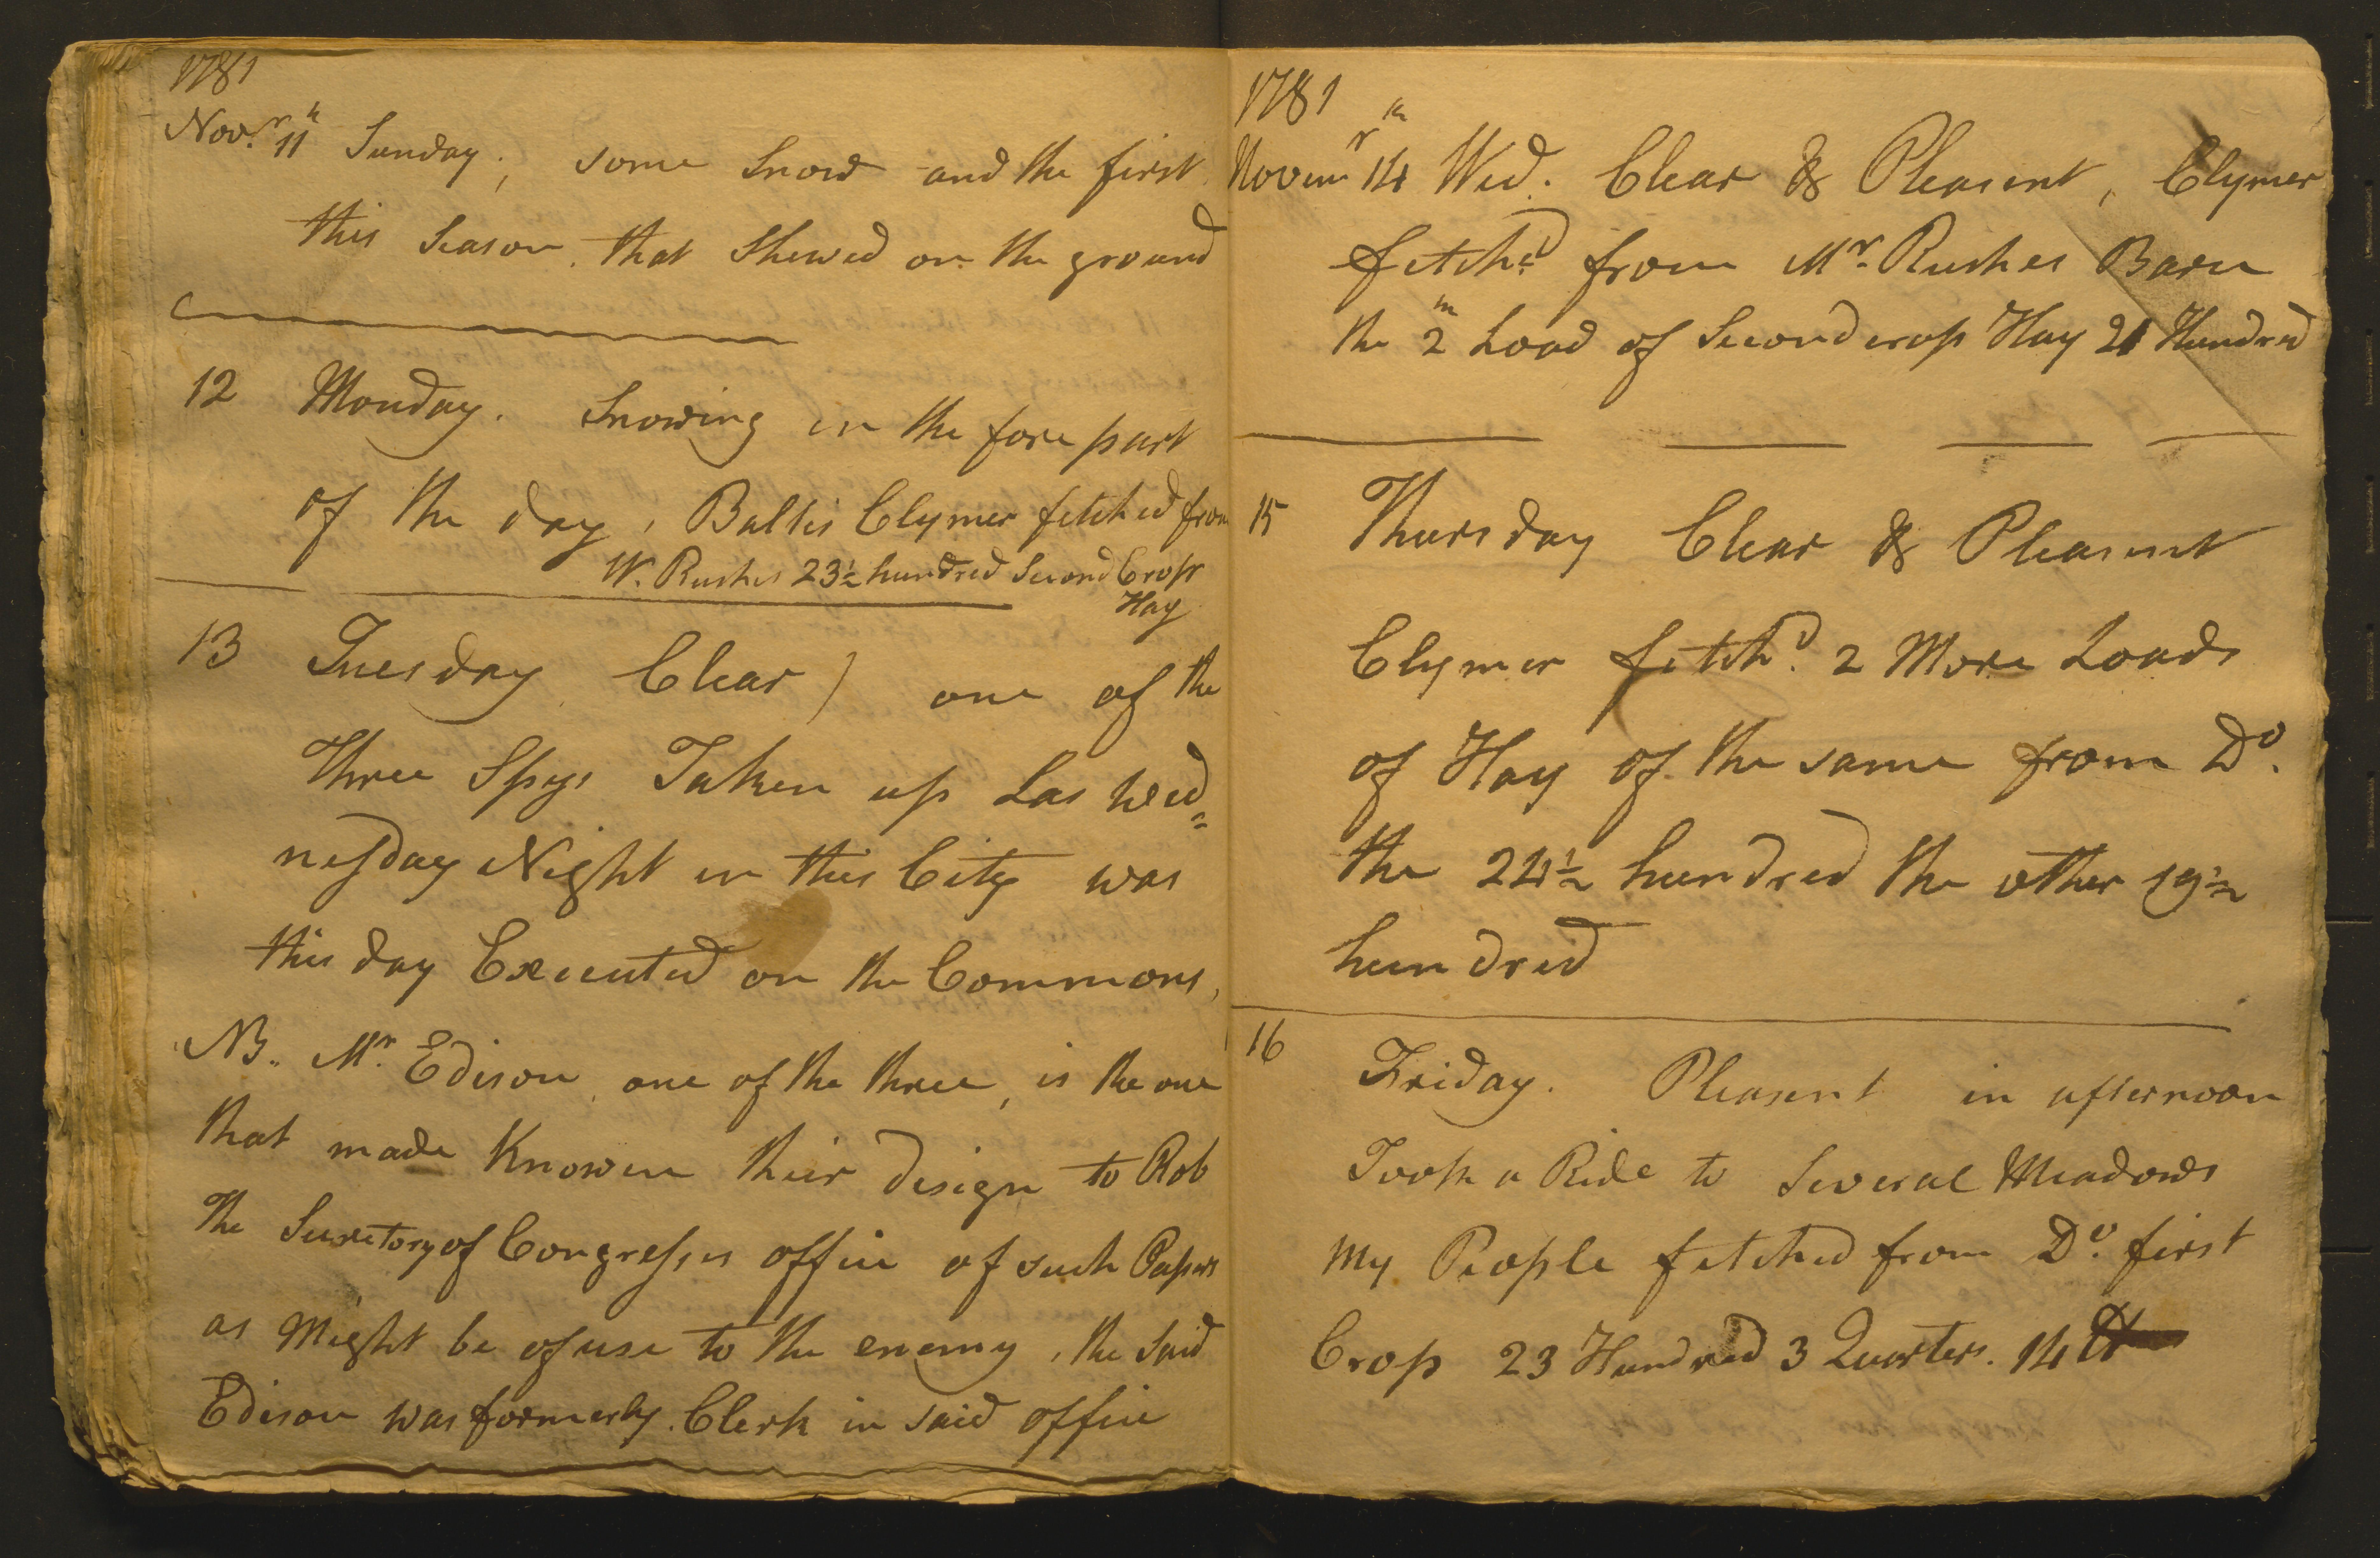1781
Nov^r. 11 Sunday. some snow and the first
this season that Shewed on the ground
12 Monday. snowing in the fore part
of the day. Baltes Clymer fetched from
W^r. Rushes 23 1/2 hundred Second Crop
Hay
13 Tuesday Clear) one of the
Three spys Taken up Las wed
nesday Night in this City, was
this day Executed on the Commons
NB. M^r. Edison one of the three is the one
that made knowen their design to Rob
The Secretory of Congresses office of such Papers
as Might be of use to the enemy, the Said
Edison was formerly Clerk in said office
1781
Novem^r 14 Wed. Clear & Pleasent, Clymer
fetch^d. from M^r. Rushes Barn
the 2^th Load of second crop Hay 21 Hundred
15 Thursday Clear & Pleasent
Clymer fetch^d. 2 More Loads
of Hay of the same from D^o.
the 24 1/2 hundred the other 19 1/2
been drid
16 Friday. Pleasent in afternoon
Took a Ride to Several Meadows
My People fetched from D^o. first
Crop 23 Hundred 3 Quarters. 14 lb